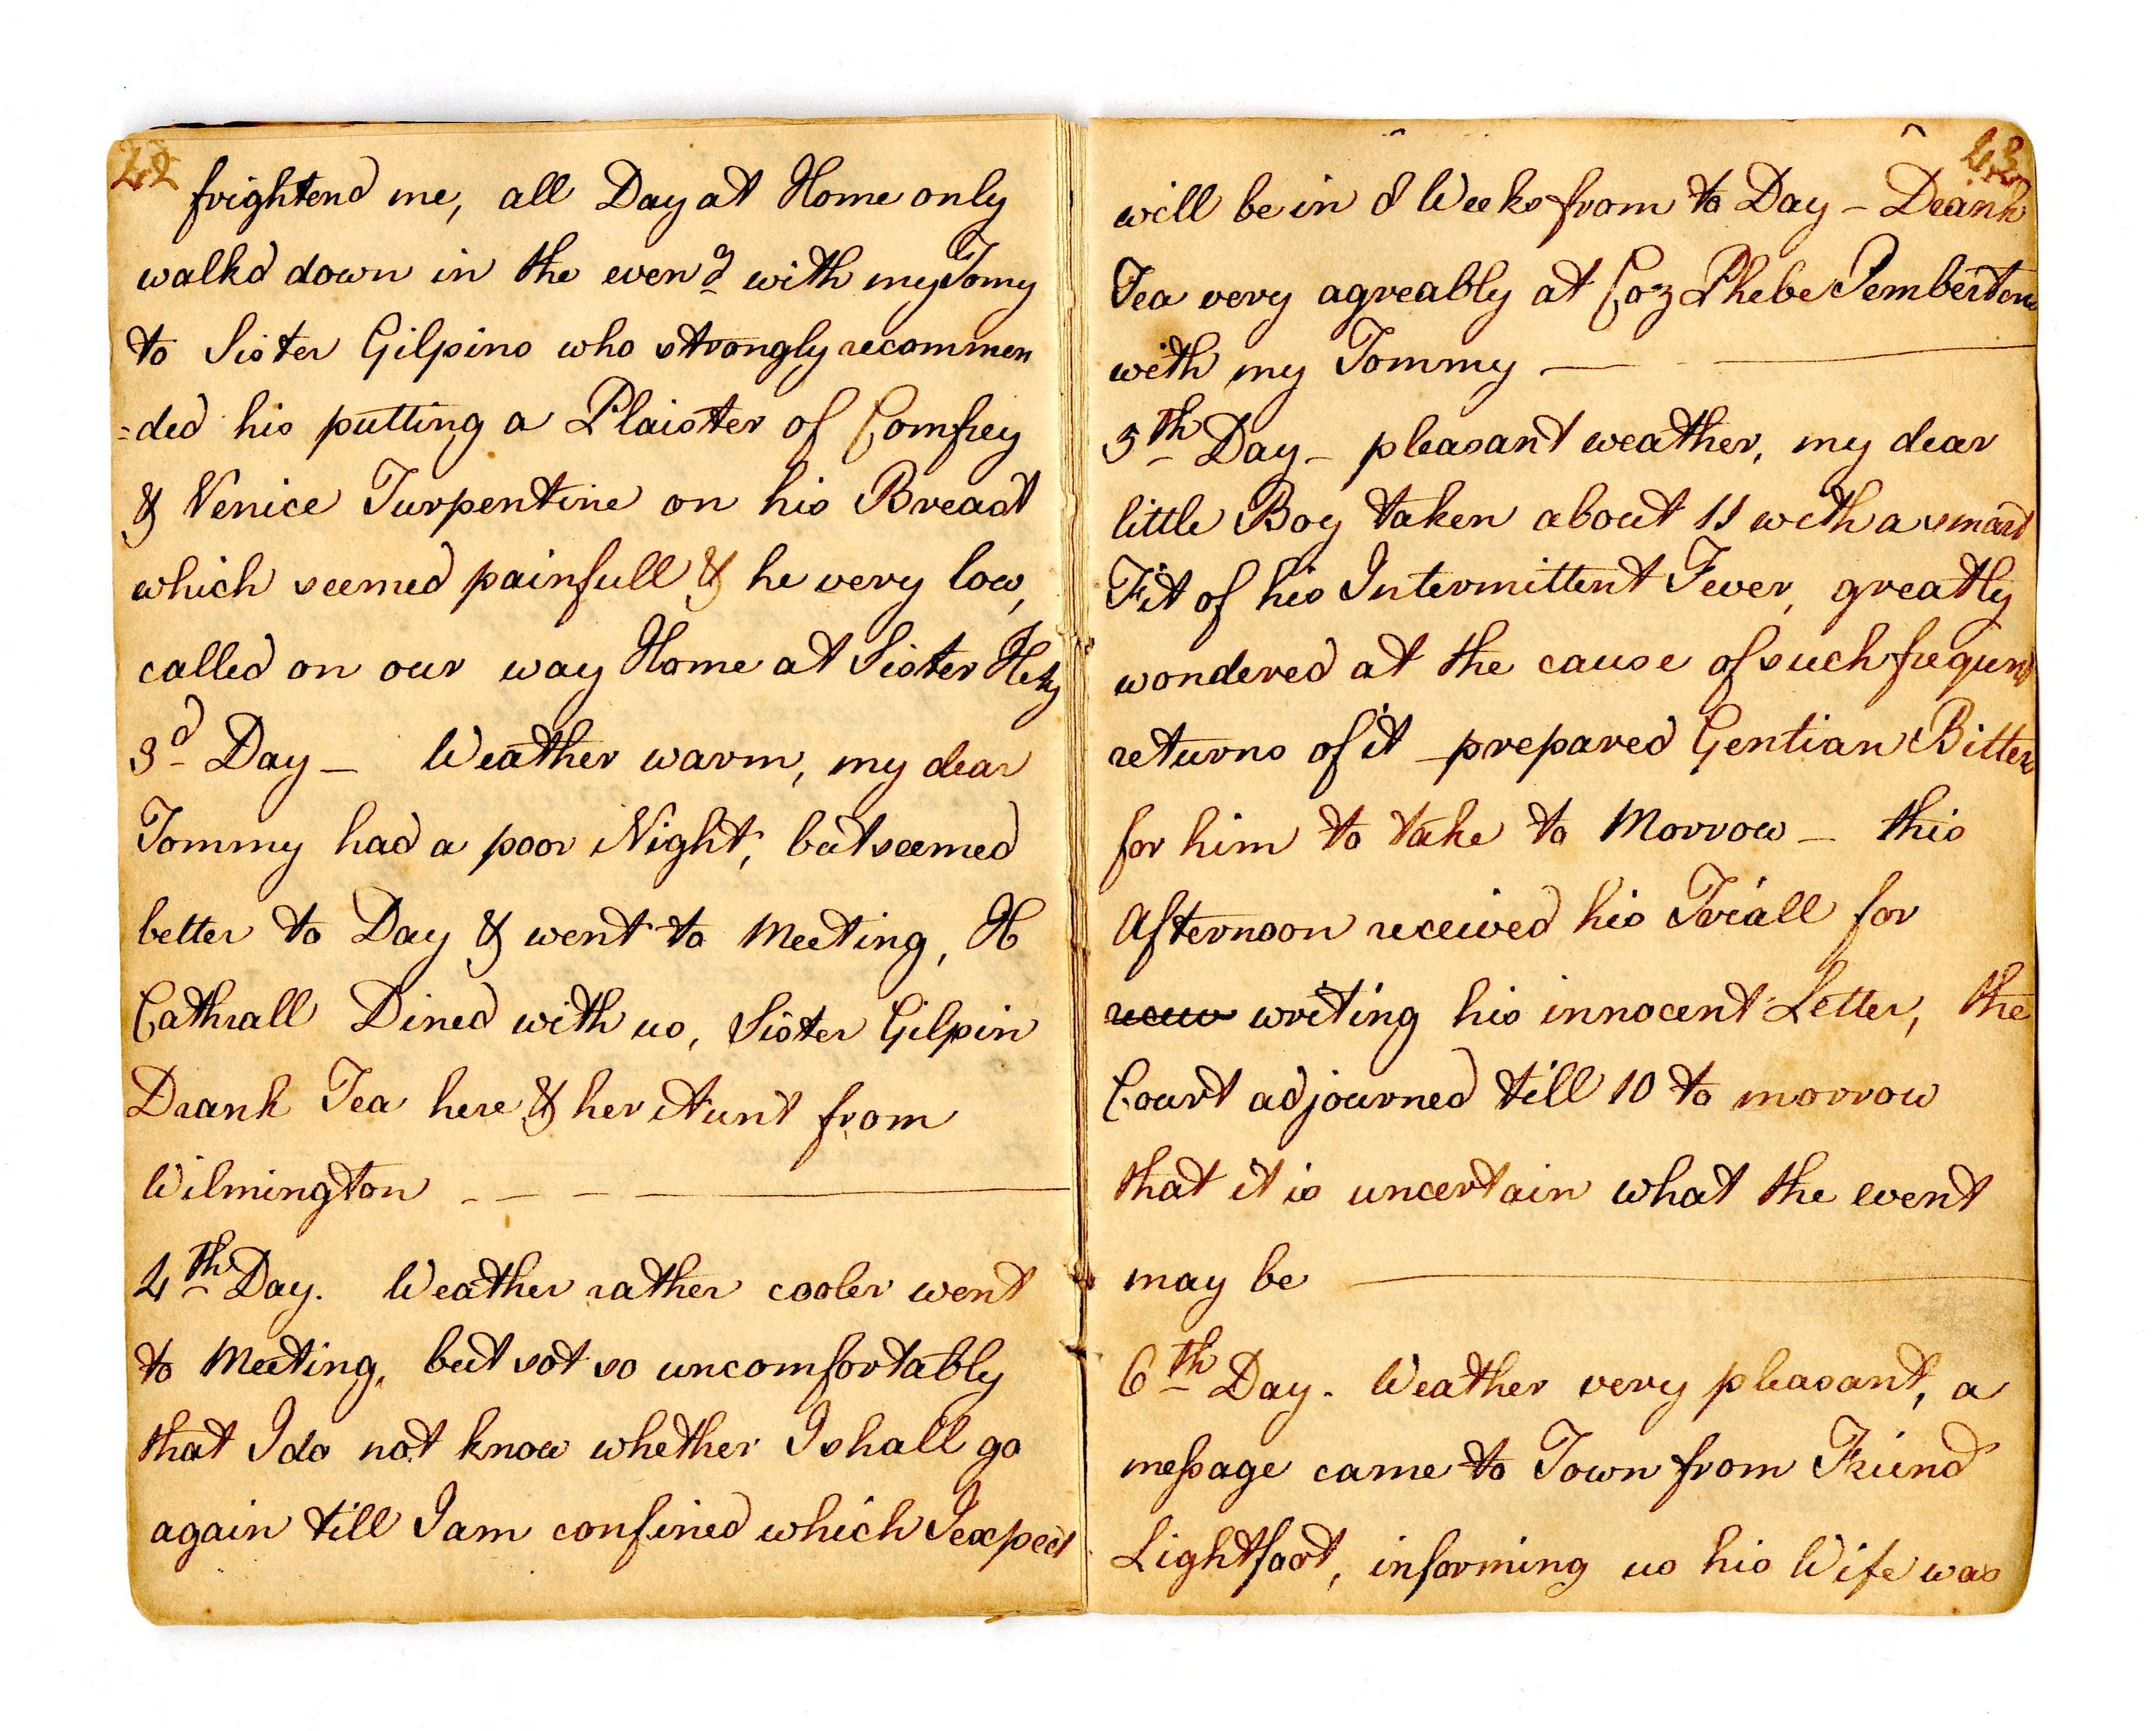42
frightend me, all Day at Home only
walkd down in the even^g with my Tomy
to Sister Gilpins who strongly recommen
-ded his putting a Plaistter of Comfrey
& Venice Turpentine on his Breast
which seemed painfull & he very low,
called on our way Home at Sister Hety
3^d Day- Weather warm, my dear
Tommy had a poor Night, but seemed
better to Day & went to Meeting, H
Cathrall Dined with us, Sister Gilpin
Drank Tea here & her Aunt from
Wilmington.-
4^th Day. Weather rather cooler went
to Meeting, but got so uncomfortably
that I do not know whether I shall go
again till I am confined which I expect
43
will be in 8 Weeks from to Day- Drank
Tea very agreably at Coz Phebe Pembertons
with my Tommy-
5^th Day- pleasant weather, my dear
little Boy taken about 11 with a smart
Fitt of his Intermittent Fever, greatly
wondered at the cause of such frequent
returns of it- prepared Gentian Bitters
for him to take to Morrow- this
Afternoon received his Triall for
[receiv] writing his innocent Letter, the
Court adjourned till 10 to morrow
that it is uncertain what the event
may be
6^th Day. Weather very pleasant, a
message came to Town from Friend
Lightfoot, informing us his Wife was